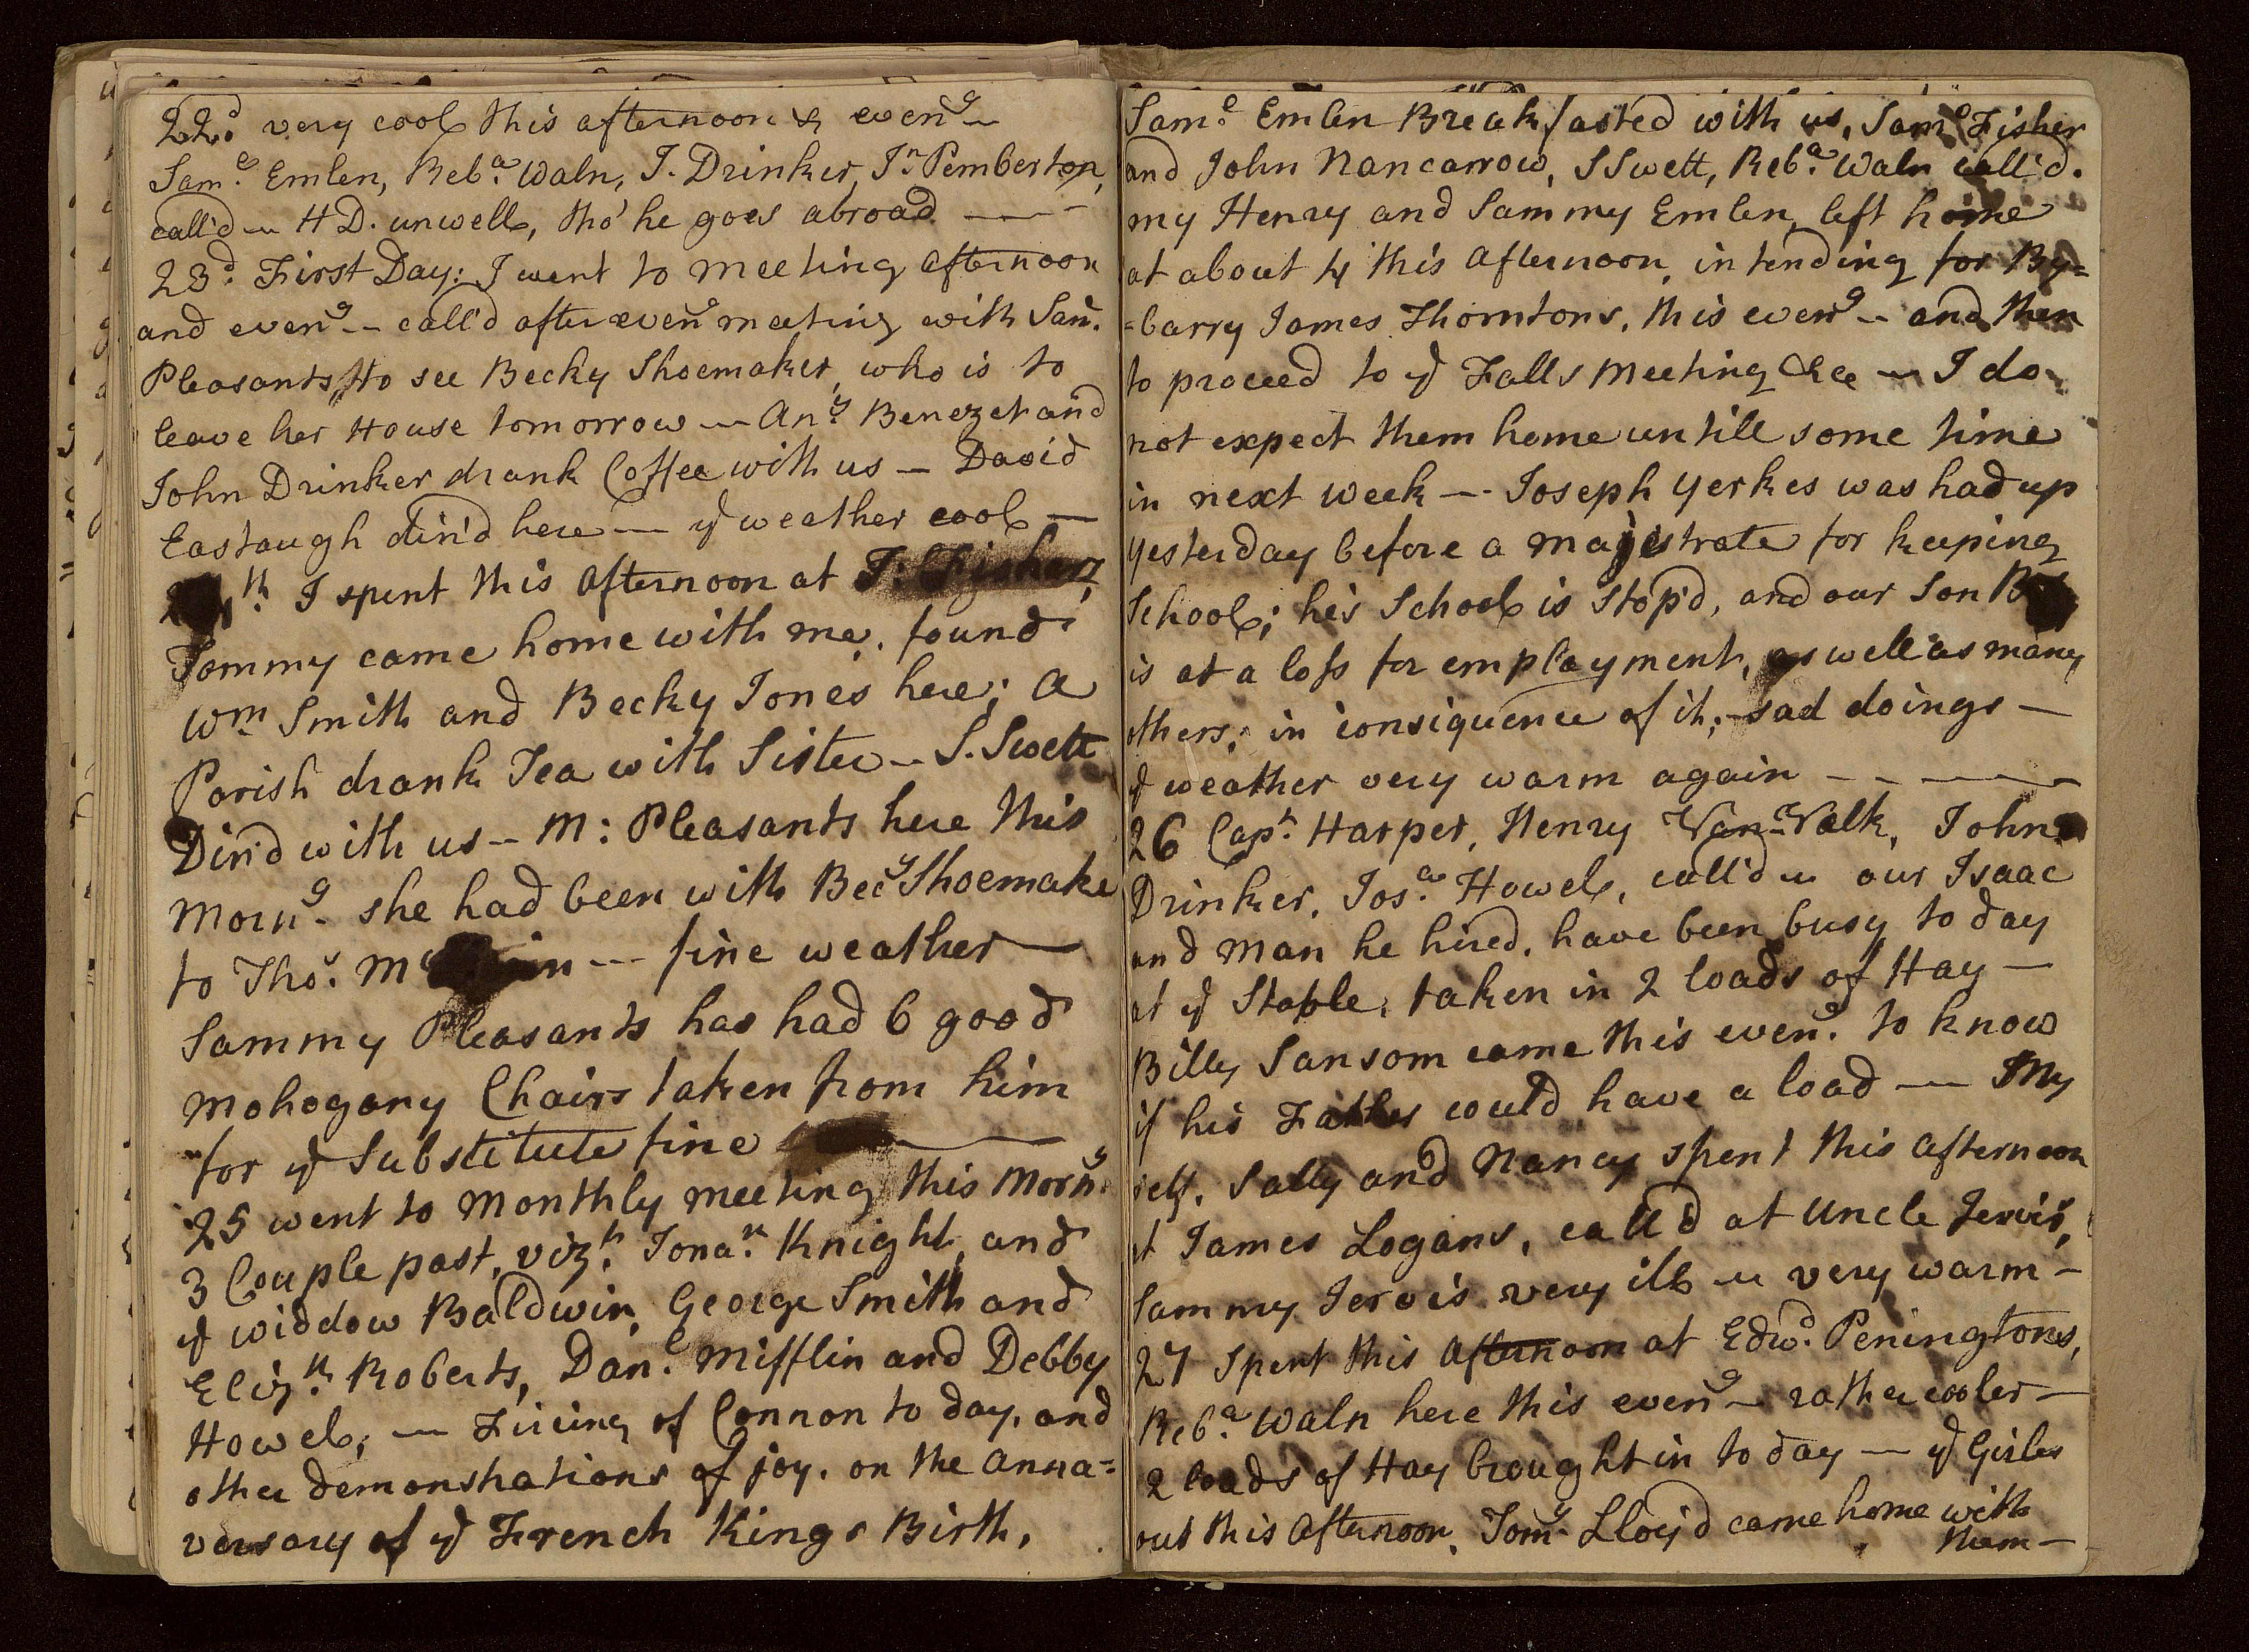22.^d very cool this afternoon & even^g-
Sam^l. Emlen, Reb^a. Waln, J. Drinker, J^n. Pemberton,
call'd- HD. unwell, tho' he goes abroad-
23^d. First Day: I went to meeting afternoon
and even^g-- call'd after even^g meeting with Sam.^l
Pleasants to see Becky Shoemaker, who is to
leave her House tomorrow- An^y Benezet and
John Drinker drank Coffee with us- David
Eastaugh din'd here- y^e weather cool-
24^th I spent this afternoon at J: Fishers,
Tommy came home with me, found
W^m. Smith and Becky Jones here; a
Parish drank Tea with Sister- S. Swett
Din'd with us- M: Pleasants here this
Morn.^g- she had been with Bec^y Shoemake
to Tho.^s M[iffl]in- fine weather
Sammy Pleasants has had 6 good
Mohogany Chairs taken from him
for y^e substitute fine [__]
25 went to Monthly meeting this Morn.^g
3 couple past, viz^h. Jona^n Knight, and
y^e widdow Baldwin George Smith and
Eliz^th. Roberts, Dan^l Mifflin and Debby
Howels- Firing of Cannon to day, and
o thee demonstrations of joy. on the Anna-
versary of y^e French Kings Birth,
I ame Emlen Breakfasted with us, Saml Fisher
and John Nancarrow, S Swett, Reb^a. Waln call'd.
my Henry and Sammy Emlen, left home-
at about 4 this Afternoon intending for By-
-barry James Thorntons, this even^g- and then
to proceed to y^e Falls meeting &c- I do-
not expect them home untill some time
in next week- Joseph Yerkes was had up
yesterday before a Majistrate for keeping
School; his School is stop'd, and our Son B
is at a loss for employment, as well as many
others; in consiquence of it, sad doings-
y^e weather very warm again---
26 Cap^t. Harper, Henry Van-Valk, John
Drinker, Jos^a. Howel, call'd an our Isaac
and man he hired, have been busy to day
at y^e Stable, taken in 2 loads of Hay-
Billy Sansom came this even^g. to know
if his Father could have a load- My
self, Sally and Nancy spent this Afternoon
at James Logans, call'd at Uncle Jervis's
I am my Jervis very ill- very warm-
27 spent this afternoon at Edw^d. Peningtons,
Reb^a. Waln here this even^g- rather cooler-
2 loads of Hay brought in to day- y^e Girles
out this Afternoon Tom.^y Lloy'd came home with
them-